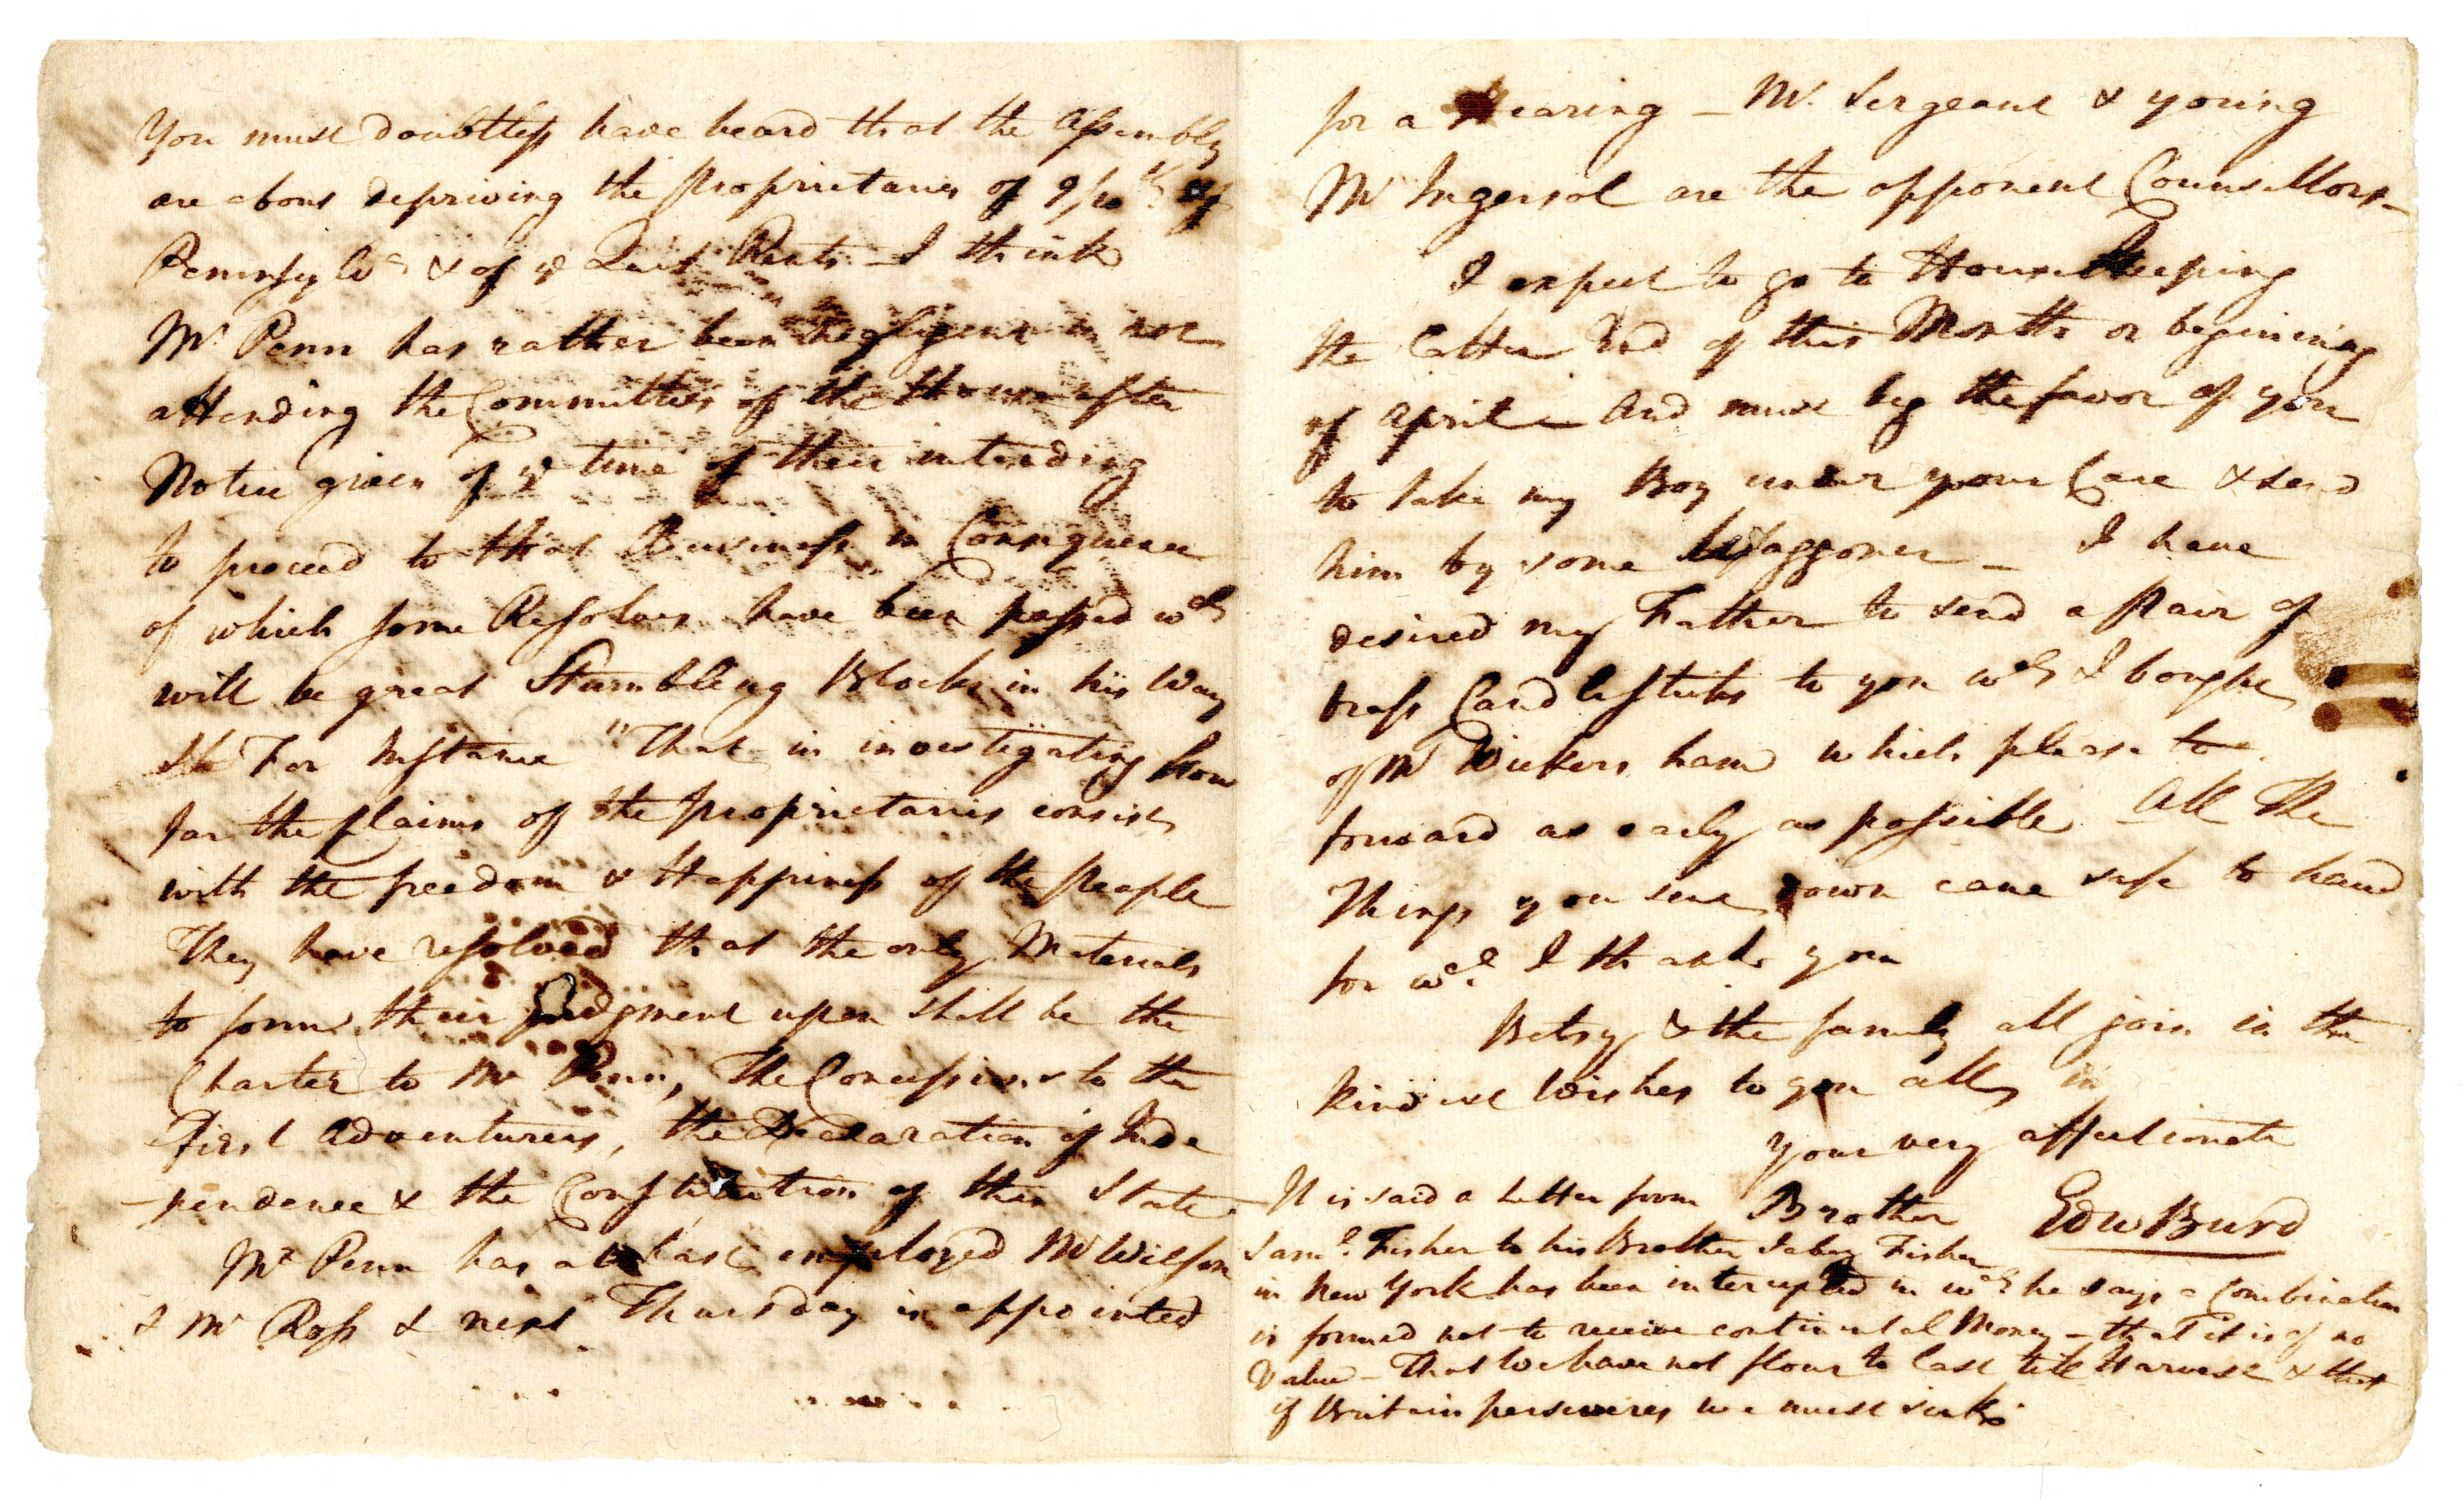You must doubtless have heard that the assembly
are about depriving the proprietaries of 9/10 5[_]
Pennsylv^a & of y^e Quart Reats. I think
M^r. Penn has rather been negligent in not
attending the Committee of the House after
Notice given of y^e time of their intending
to proceed to that Business in Consequence
of which some Resolves have been passed w^ch.
will be great Stumbling Blocks in his Way
the For instance "That in investigating how
far the Claims of the proprietaries consist
with the freedom & happiness of the People
They have resolved that the only Materials
to form their judgment upon shall be the
Charter to M^r Penn. The Concession to the
First Adventurers, the Declaration of Inde-
-pendence & the Constitution of their State
M^r Penn has a [__]has employed M^r Wilson
& M^r Ross & next Thursday is appointed
for a Hearing. M^r Sergeant & young
M^r Ingersol are the opponent Counsellors,
I expect to go to House Keeping
the Catfar had of this Months or beginning
of April and must beg the favor of you
to take my Boy under your Care & send
him by some Waggoner. I have
desired my Father to send a pair of
brass Candlesticks to you w^ch I bought
of M Dickers have which please to
forward as early as possible. All the
things you sent down came safe to here
for w^ch. I thank you
Betsy & the family all join in the
kindest Wishes to you all
It is said a Letter from
Jam^s. Fisher to his Brother, Jabey Fisher
in New Yorl has been interupted in w^ch he says a Combination
is formed not to received continual Money. that it is of no
Value. That we have not flour to casetite Harvese & that
if Britain perseveres we must see.
your very affectionate
Brother Edw. Burd